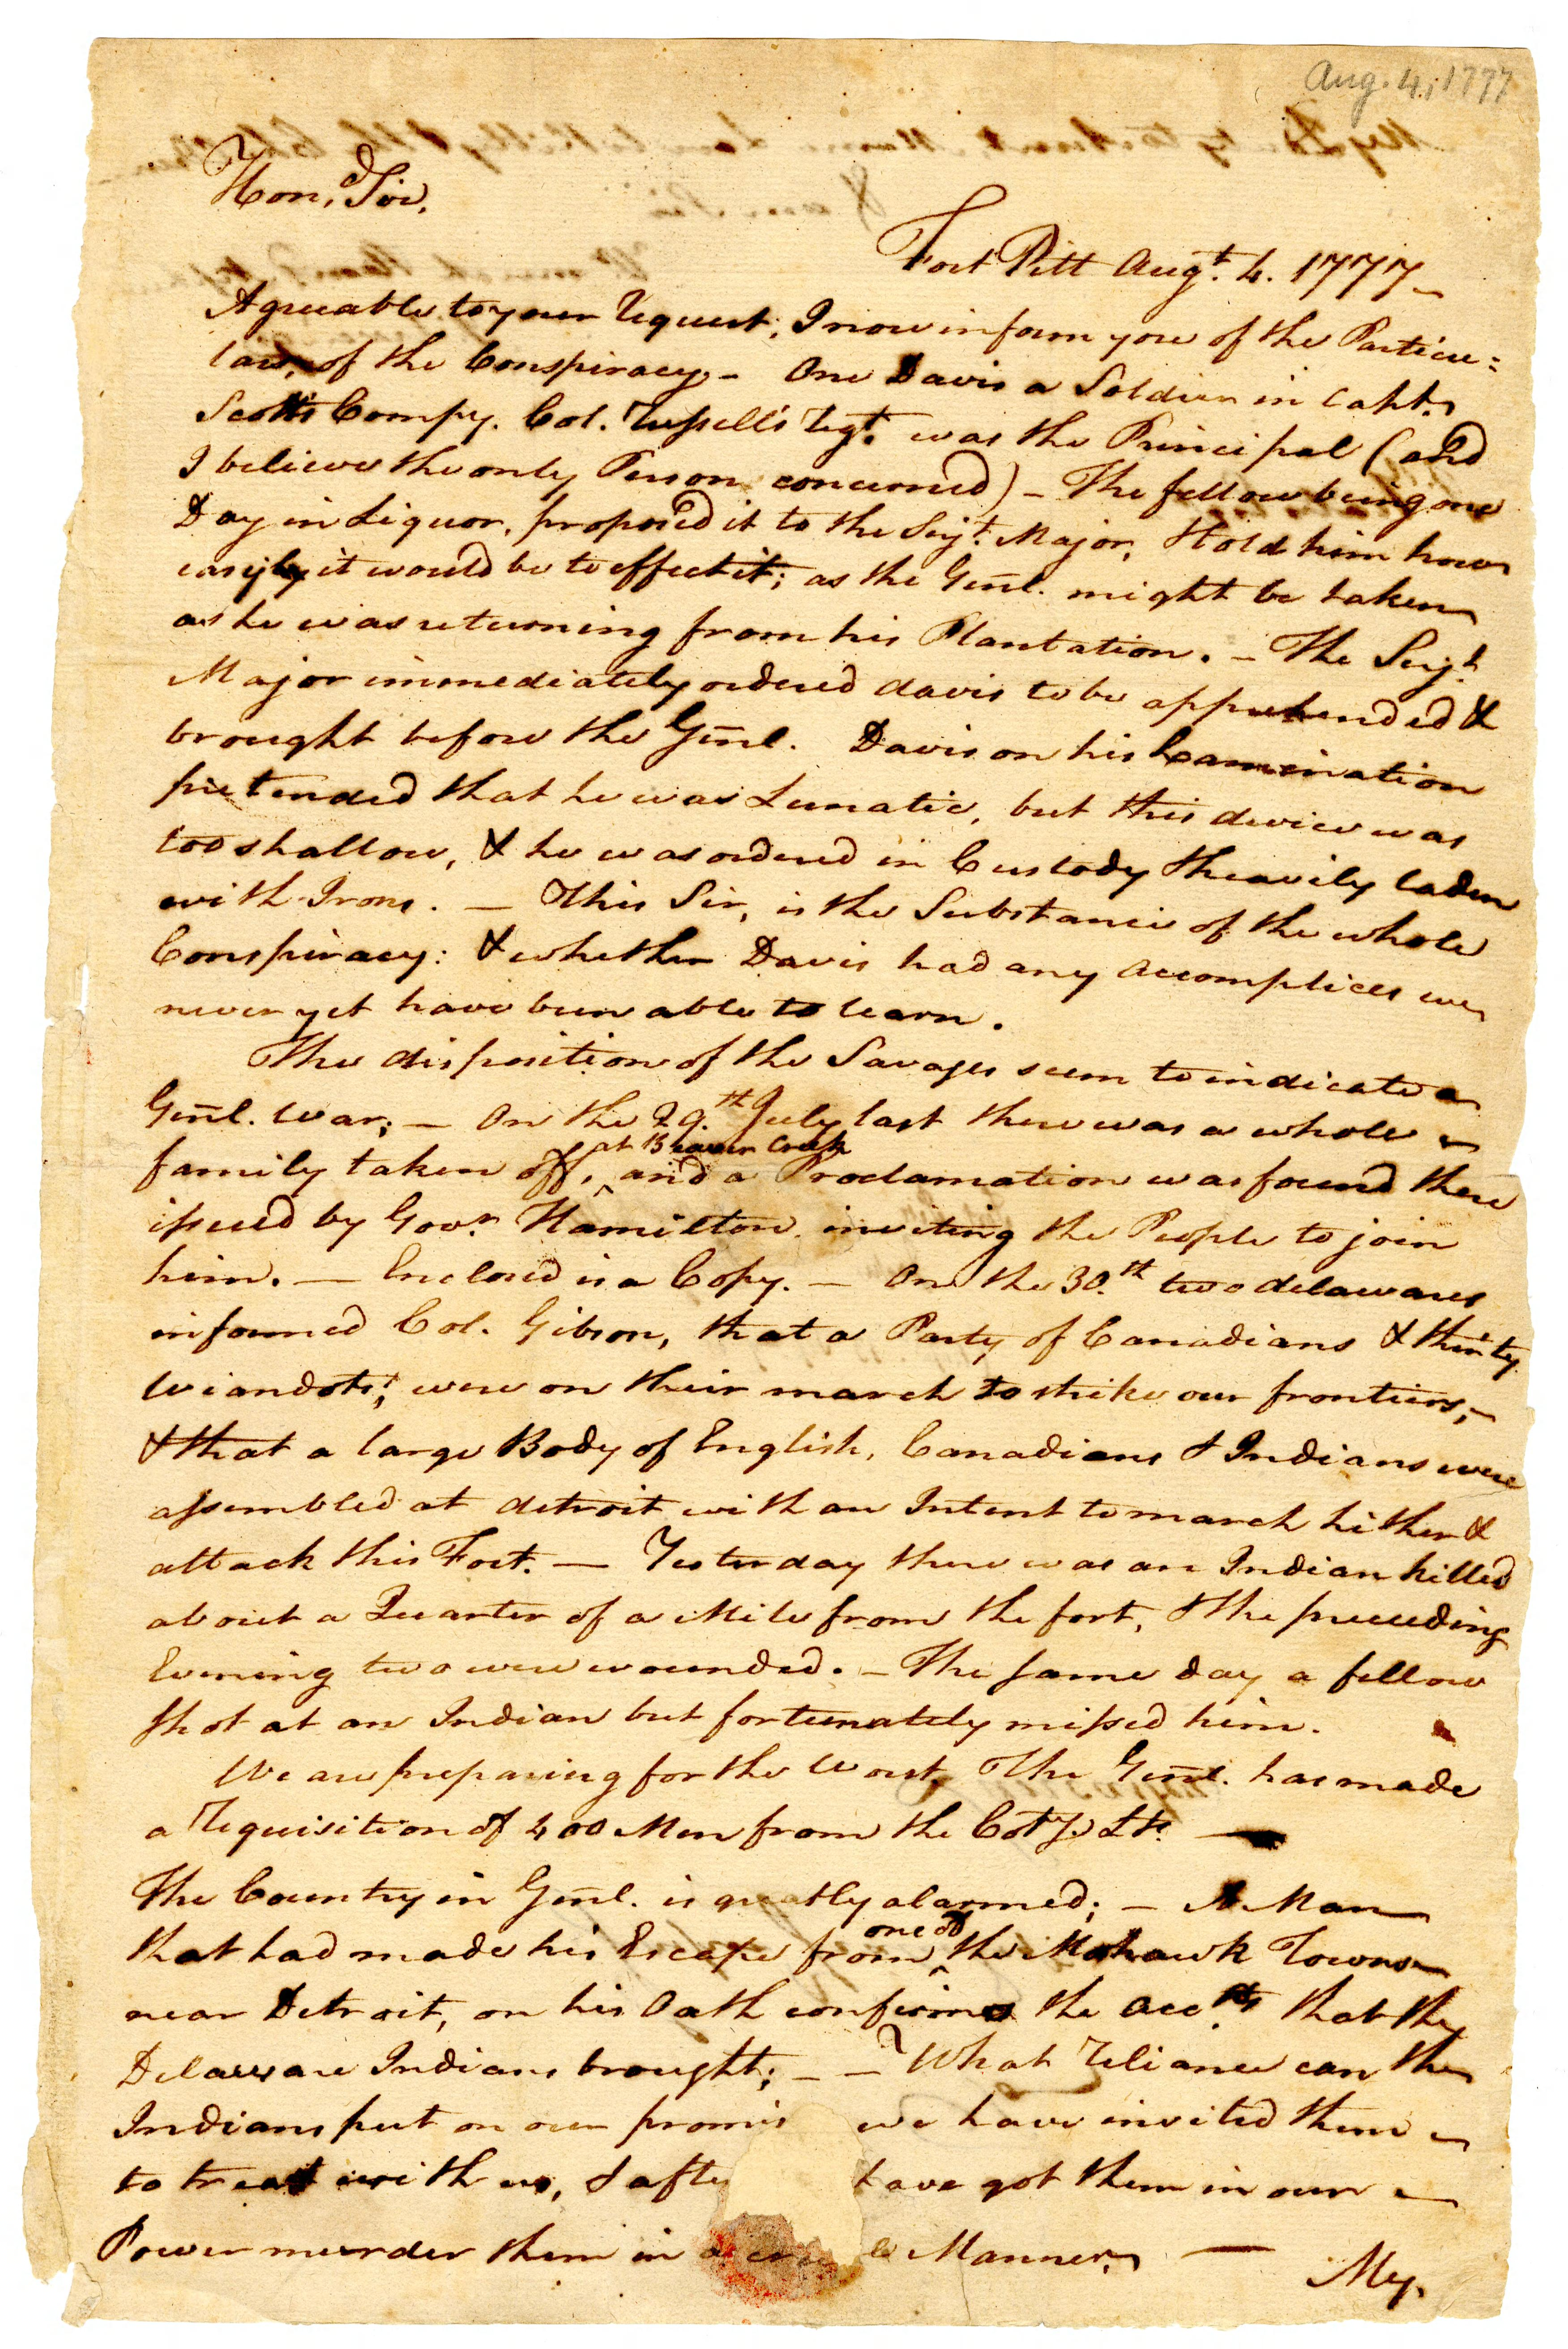Fort Pitt Aug^t. 4. 1777-
Hon. Sir,
Agreeable to your Request; I now inform you of the Particu-
lars, of the Conspiracy- One Davis a Soldier in Capt.
Scott's Compy. Col. Russell's Regt. was the Principal (and
I believe the only Person concerned)- The fellow being one
Day in Liquor, proposed it to the Serj^t. Major. & told him how
easy [__] it would be to affect it; as the Gen̄l might be taken
as he was returning from his Plantation.- The Serj^t.
Major immediately ordered Davis to be apprehended &
brought before the Gen̄l. Davis on his examination
pretended that he was Lunatic, but this device was
too shallow, & he was ordered in Custody & heavily laden
with Irons.- This Sir, is the Substance of the whole
Conspiracy: & whether Davis had any accomplices we
never yet have been able to learn.
The disposition of the Savages seem to indicate a
Gen̄l. War;- On the 29^th. July last there was a whole -
family taken off, ^ and a Proclamations was found there
at Beaver Creek
issued by Gov^r Hamilton, inviting the People to join
him.- Enclosed is a Copy.- On the 30.^th two delawares
informed Col. Gibson, that a Party of Canadians & thirty
Wiandots; were on their march to sticker our frontiers,-
& that a large Body of English, Canadians & Indians were
assembled at detroit with an Intent to march hither &
attack this Fort.- Yesterday there was an Indian killed
about a Quarter of a Mile from the fort, & the preceding
Evening two were wounded.- The same day a fellow
shot at an Indian but fortunately missed him.
We are preparing for the Worst. The Gen̄l has made
a Requisition of 400 Men from the Capt: Lt^t.-
The Country in Gen̄l is greatly alarmed;- A Man
that had made his Escape from ^ the Mohawk Towns-
one of
near Detroit, on his Oath confirms the acc^ts. that the
Delaware Indians brought;-- What reliance can the
Indians put on our promise we have invited them-
to treat with us, & after have got them in our-
Power murder them in a credible Manner.-
My,